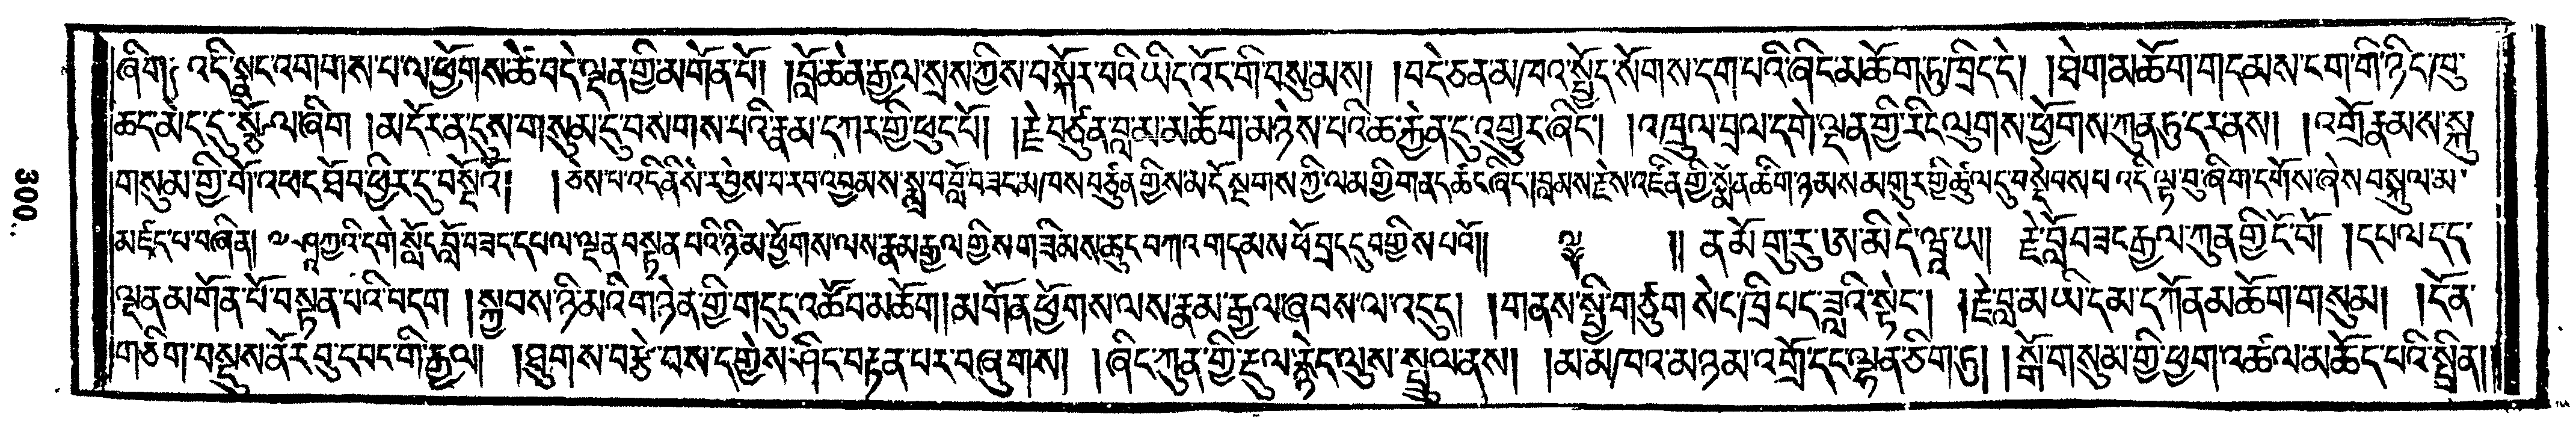ཞིག༑ འདི་སྣང་འགགས་པ་ལ་ཕྱོགས་ཚེ་བདེ་ལྡན་གྱི་མགོན་པོ། །བློ་ཆེན་རྒྱལ་སྲས་ཀྱིས་བསྐོར་བའི་ཡིང་འོང་གི་བསུ་མས། །བདེ་ཅན་མཁའ་སྤྱོད་སོགས་དག་པའི་ཞིང་མཆོག་ཏུ་ཁྲིད་དེ། །ཐེག་མཆོག་གདམས་ངག་གི་ཉིད་ཁུ་
ཆད་མེད་དུ་སྩོལ་ཞིག །མདོར་ན་དུས་གསུམ་དུ་བསགས་པའི་རྣམ་དཀར་གྱི་ཕུང་པོ། །རྗེ་བཙུན་བླ་མ་མཆོག་མཉེས་པའི་ཆ་རྐྱེན་དུ་འགྱུར་ཞིང་། །འཁྲུལ་བྲལ་དགེ་ལྡན་གྱི་རིང་ལུགས་ཕྱོགས་ཀུན་ཏུ་དར་ནས། །འགྲོ་རྣམས་སྐུ་
གསུམ་གྱི་གོ་འཕང་ཐོབ་ཕྱིར་དུ་བསྔོའོ། །ཅེས་པ་འདི་ནི་སེ་ར་བྱེས་པ་རབ་འབྱམས་སྨྲ་བ་བློ་བཟང་མཁས་བཙུན་གྱིས་མདོ་སྔགས་ཀྱི་ལམ་གྱི་གནད་ཚང་ཞིང་། བླ་མས་རྗེས་འཛིན་གྱི་སྨོན་ཚིག་ཉམས་མགུར་གྱི་ཚུལ་དུ་བསྡེབས་པ་འདི་ལྟ་བུ་ཞིག་དགོས་ཞེས་བསྐུལ་མ་
མཛད་པ་བཞིན། ༧་ཤཱཀྱའི་དགེ་སློང་བློ་བཟང་དཔལ་ལྡན་བསྟན་པའི་ཉི་མ་ཕྱོགས་ལས་རྣམ་རྒྱལ་གྱིས་གཟིམས་ཆུང་བཀའ་གདམས་ཕོ་བྲང་དུ་བགྱིས་པའོ།། ༈ །།ན་མོ་གུ་རུ་ཨ་མི་དེ་ཝཱ་ཡ། རྗེ་བློ་བཟང་རྒྱལ་ཀུན་གྱི་ངོ་བོ། །དཔལ་དད་
ལྡན་མགོན་པོ་བསྟན་པའི་བདག །སྐྱབས་ཉི་མའི་གཉེན་གྱི་གདུང་འཚོ་བ་མཆོག །མགོན་ཕྱོགས་ལས་རྣམ་རྒྱལ་ཞབས་ལ་འདུད། །གནས་སྤྱི་གཙུག་སེང་ཁྲི་པད་ཟླའི་སྟེང་། །རྗེ་བླ་མ་ཡི་དམ་དཀོན་མཆོག་གསུམ། །དོན་
གཅིག་བསྡུས་ནོར་བུ་དབང་གི་རྒྱལ། །ཐུགས་བརྩེ་བས་དགྱེས་ཤིང་བརྟན་པར་བཞུགས། །ཞིང་ཀུན་གྱི་རྡུལ་རྙེད་ལུས་སྤྲུལ་ནས། །མ་མཁའ་མཉམ་འགྲོ་དང་ལྷན་ཅིག་ཏུ། །སྒོ་གསུམ་གྱི་ཕྱག་འཚལ་མཆོད་པའི་སྤྲིན།།